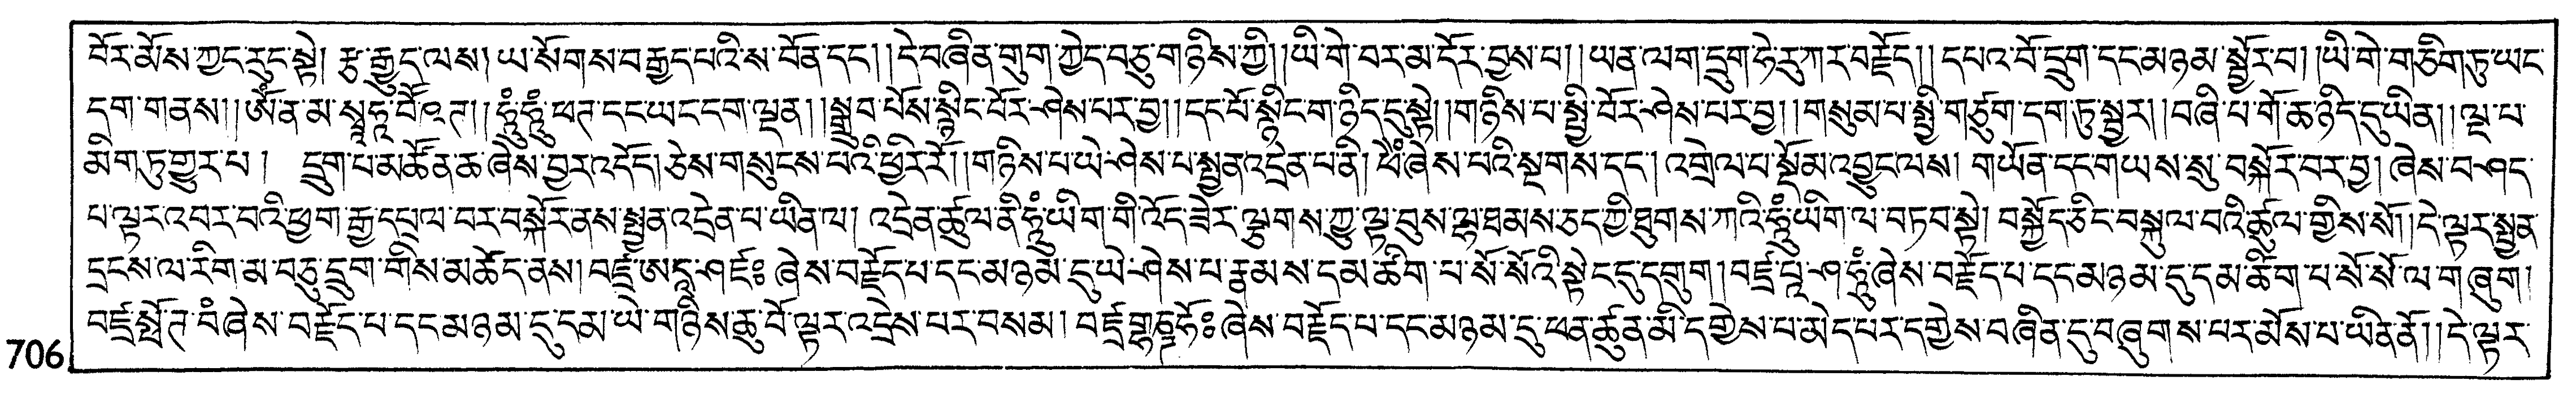བོར་མོས་ཀྱང་རུང་སྟེ། རྩ་རྒྱུད་ལས། ཡ་སོགས་བརྒྱད་པའི་ས་བོན་དང་། །དེ་བཞིན་གུག་ཀྱེད་བཅུ་གཉིས་ཀྱི། །ཡི་གེ་བར་མ་དོར་བྱས་པ། །ཡན་ལག་དྲུག་ཧེ་རུ་ཀར་བརྗོད། །དཔའ་བོ་དྲུག་དང་མཉམ་སྦྱོར་བ། །ཡི་གེ་གཅིག་ཏུ་ཡང་
དག་གནས། །ཨོཾ་ན་མ་སྭཱཧཱ་བཽ་ཥཊ། །ཧཱུཾ་ཧཱུཾ་ཕཊ་དང་ཡང་དག་ལྡན། །སྒྲུབ་པོས་སྙིང་པོར་ཤེས་པར་བྱ། །དང་པོ་སྙིང་ག་ཉིད་དུ་སྟེ། །གཉིས་པ་སྤྱི་བོར་ཤེས་པར་བྱ། །གསུམ་པ་སྤྱི་གཙུག་དག་ཏུ་སྦྱར། །བཞི་པ་གོ་ཆ་ཉིད་དུ་ཡིན། །ལྔ་པ་
མིག་ཏུ་གྱུར་པ། དྲུག་པ་མཚོན་ཆ་ཞེས་བྱར་འདོད། ཅེས་གསུངས་པའི་ཕྱིར་རོ། །གཉིས་པ་ཡེ་ཤེས་པ་སྤྱན་འདྲེན་པ་ནི། ཕཻཾ་ཞེས་པའི་སྔགས་དང་། འགྲེལ་པ་སྡོམ་འབྱུང་ལས། གཡོན་དང་གཡས་སུ་བསྐོར་བར་བྱ། ཞེས་བཤད་
པ་ལྟར་འབར་བའི་ཕྱག་རྒྱ་དཔྲལ་བར་བསྐོར་ནས་སྤྱན་འདྲེན་པ་ཡིན་ལ། འདྲེན་ཚུལ་ནི་ཧཱུཾ་ཡིག་གི་འོད་ཟེར་ལྕགས་ཀྱུ་ལྟ་བུས་ལྷ་ཐམས་ཅད་ཀྱི་ཐུགས་ཀའི་ཧཱུཾ་ཡིག་ལ་བཏབ་སྟེ། བསྐྱོད་ཅིང་བསྐུལ་བའི་ཚུལ་གྱིས་སོ། །དེ་ལྟར་སྤྱན་
དྲངས་ལ་རིག་མ་བཅུ་དྲུག་གིས་མཆོད་ནས། བཛྲ་ཨདཱ་ཤཛཿ ཞེས་བརྗོད་པ་དང་མཉམ་དུ་ཡེ་ཤེས་པ་རྣམས་དམ་ཚིག་པ་སོ་སོའི་སྟེང་དུ་དགུག །བཛྲ་པཱ་ཤ་ཧཱུཾ་ཞེས་བརྗོད་པ་དང་མཉམ་དུ་དམ་ཚིག་པ་སོ་སོ་ལ་གཞུག །
བཛྲ་སྥོ་ཊ་བཾ་ཞེས་བརྗོད་པ་དང་མཉམ་དུ་དམ་ཡེ་གཉིས་ཆུ་བོ་ལྟར་འདྲེས་པར་བསམ། བཛྲ་གྷཎྜ་ཧོཿ ཞེས་བརྗོད་པ་དང་མཉམ་དུ་ཕན་ཚུན་མི་དགྱེས་པ་མེད་པར་དགྱེས་བཞིན་དུ་བཞུགས་པར་མོས་པ་ཡིན་ནོ། །དེ་ལྟར་